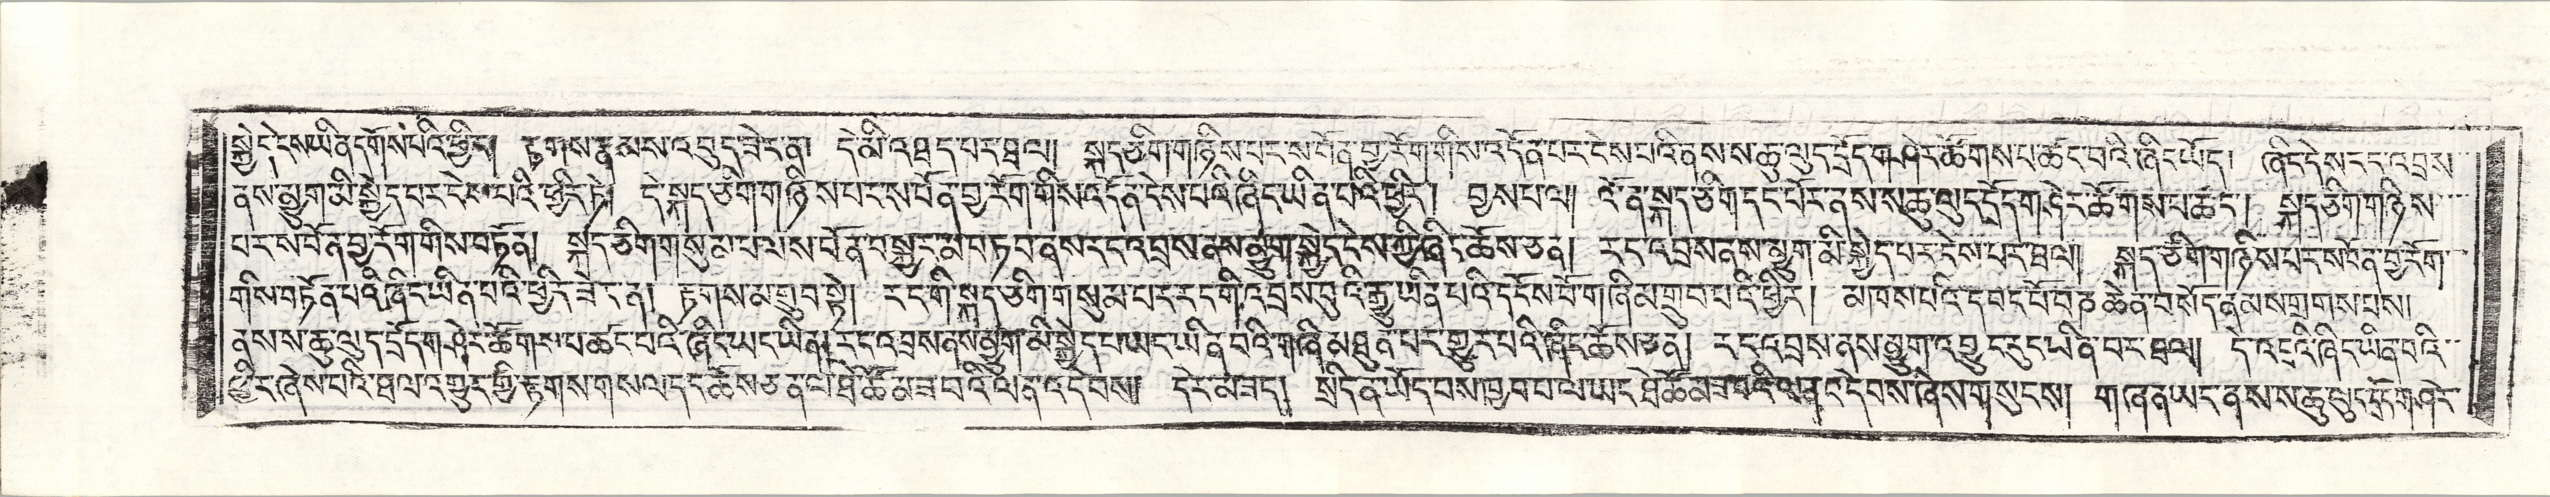སྐྱེད་ངེས་ཡིན་དགོས་པའི་ཕྱིར། རྟགས་རྣམས་འབུད་ཟེར་ན། དེ་མི་འཐད་པར་ཐལ། སྐད་ཅིག་གཉིས་པར་ས་བོན་བྱ་རོག་གིས་འདོན་པར་ངེས་པའི་ནས་ས་ཆུ་ལུད་དྲོད་གཤེར་ཚོགས་པ་ཚང་བའི་ཞིང་ཡོད། ཞིང་དེས་རང་འབྲས་
ནས་མྱུག་མི་སྐྱེད་པར་ངེས་པའི་ཕྱིར་ཏེ། དེ་སྐད་ཅིག་གཉིས་པར་ས་བོན་བྱ་རོག་གིས་འདོན་ངེས་པའི་ཞིང་ཡིན་པའི་ཕྱིར། བྱས་པ་ལ། འོ་ན་སྐད་ཅིག་དང་པོར་ནས་ས་ཆུ་ལུད་དྲོད་གཤེར་ཚོགས་པ་ཚང་། སྐད་ཅིག་གཉིས་
པར་ས་བོན་བྱ་རོག་གིས་བཏོན། སྐད་ཅིག་གསུམ་པ་ལ་ས་བོན་བསྐྱར་མ་བཏབ་ནས་རང་འབྲས་ནས་མྱུག་སྐྱེད་ངེས་ཀྱི་ཞིང་ཆོས་ཅན། རང་འབྲས་ནས་མྱུག་མི་སྐྱེད་པར་ངེས་པར་ཐལ། སྐད་ཅིག་གཉིས་པར་ས་བོན་བྱ་རོག་
གིས་བཏོན་པའི་ཞིང་ཡིན་པའི་ཕྱིར་ཟེར་ན། རྟགས་མ་གྲུབ་སྟེ། རང་གི་སྐད་ཅིག་གསུམ་པར་རང་གི་འབྲས་བུའི་རྒྱུ་ཡིན་པའི་དངོས་པོ་གཞི་མ་གྲུབ་པའི་ཕྱིར། མཁས་པའི་དབང་བོ་བཎ་ཆེན་བསོད་ནམས་གྲགས་པས།
ནས་ས་ཆུ་ལུད་དྲོད་གཤེར་ཚོགས་པ་ཚང་བའི་ཞིང་ཡང་ཡིན། རང་འབྲས་ནས་མྱུག་མི་སྐྱེད་པ་ཡང་ཡིན་པའི་གཞི་མཐུན་པར་གྱུར་བའི་ཞིང་ཆོས་ཅན། རང་འབྲས་ནས་མྱུག་འབྱུང་རུང་ཡིན་བར་ཐལ། དེ་འདྲའི་ཞིང་ཡིན་པའི་
ཕྱིར་ཞེས་པའི་ཐལ་འགྱུར་གྱི་རྟགས་གསལ་དང་ཆོས་ཅན་ལ་ཐེ་ཚོམ་ཟ་བའི་ལན་འདེབས། དེར་མ་ཟད། སྲིད་ན་ཡོད་པས་ཁྱབ་པ་ལ་ཡང་ཐེ་ཚོམ་ཟ་བའི་ལན་འདེབས་ཞེས་གསུངས། གཞན་ཡང་།ནས་ས་ཆུ་ལུད་དྲོད་གཤེར་